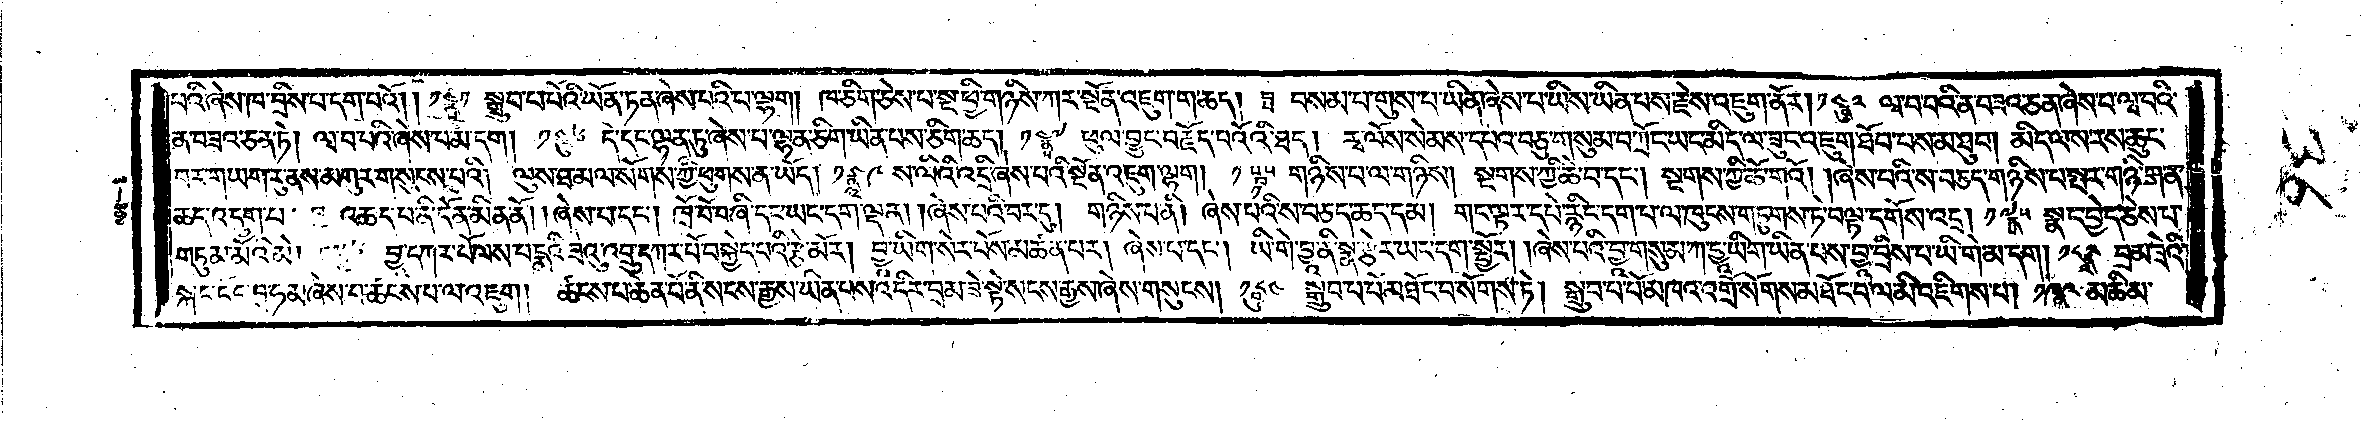པའི་ཞེས་ཁ་བྲིས་པ་དག་པའོ། །༡༤བ༥༡་སྒྲུབ་པ་པོའི་ཡོན་ཏན་ཞེས་པའི་པ་ལྷག། ཁ་ཅིག་ཅེས་པ་སྔ་ཕྱི་གཉིས་ཀར་སྔོན་འཇུག་ག་ཆད། བ༥་བསམ་པ་གུས་པ་ཡིན་ཞེས་པ་ཡིས་ཡིན་པས་རྗེས་འཇུག་ནོར། ༡༤༠༦༢་ལབ་པའི་ན་བཟའ་ཅན་ཞེས་པ་ལྭ་བའི་
ན་བཟའ་ཅན་ཏེ། ལྭ་བ་པའི་ཞེས་པ་མ་དག། ༡༤བ༦༦་དེ་དང་ལྷན་ཏུ་ཞེས་པ་ལྷན་ཅིག་ཡིན་པས་ཅིག་ཆད། ༡༤ན༥༧་ཕུལ་བྱུང་བརྗོད་པའོའི་ཐད། རྭ་ལོས་སེམས་དཔའ་བཅུ་གསུམ་བཀྲོང་ཡང་མིད་ལ་ཟུང་འཇུག་ཐོབ་པས་མ་ཐུབ། མིད་ལས་རས་ཆུང་
ཐར་གཡག་ནས་མགུར་གསུངས་པའི། ལུས་ཐ་མལ་སོགས་ཀྱི་ཕུགས་ན་ཡོད། ༡༤ན༣༩་ས་ལིའི་འདྲི་ཞེས་པའི་སྔོན་འཇུག་ལྷག། ༡༥བ༡༥་གཉིས་པ་ལ་གཉིས། སྔགས་ཀྱི་ཧེ་བ་དང་། སྔགས་ཀྱི་ཆོ་གའོ། །ཞེས་པའི་ས་བཅད་གཉིས་པ་སྤར་གཉི་གན་
ཆད་འདུག་པ། འཆད་པ་ནི་དོན་མིན་ནོ། །ཞེས་པ་དང་། ཁྲོ་བོ་བཞི་དང་ཡང་དག་ལྡན། །ཞེས་པའི་བར་དུ། གཉིས་པ་ནི། ཞེས་པའི་ས་བཅད་ཆད་དམ། གང་ལྟར་དཔེ་རྙིང་དག་པ་ལ་ཁུངས་གཏུགས་ཏེ་བལྟ་དགོས་འདྲ། ༡༧ན༢༥་སྣང་བྱེད་ཅེས་པ་
གཏུམ་མོའི་མེ། ༡༩༦༤་བྱཱ་དཀར་པོ་ལས་པདམའི་ཟེའུ་འཐུ་དཀར་པོ་བསྐྱེད་པའི་རྩེ་མོར། བྱཱ་ཡིག་སེར་པོས་མཚན་པར། ཞེས་པ་དང་། ཡི་གེ་བྱཱ་ནི་སྣ་རྩེར་ཡང་དག་སྦྱོར། །ཞེས་པའི་བྱཱ་གསུམ་ཀ་དྱཱ་ཡིག་ཡིན་པས་བྱཱ་བྲིས་པ་ཡི་གེ་མ་དྲག། ༡༨ན༢༢་བྲམ་ཟེའི་
སྐང་ངོག་བྲ་ཧམ་ཞེས་པ་ཚངས་པ་ལ་འཇུག། ཚངས་པ་ཆེན་པོ་ནི་སངས་རྒྱས་ཡིན་པས་འདིར་བྲམ་ཟེ་སྟེ་སངས་རྒྱས་ཞེས་གསུངས། ༡༨བ༦༤་སྒྲུབ་པ་པོ་མཐོང་བ་སོགས་ཏེ། སྒྲུབ་པ་པོ་མཁའ་འགྲོ་སོགས་མཐོང་བ་ལ་མི་འཇིགས་པ། ༡༩ན༢་མཆི་མ་